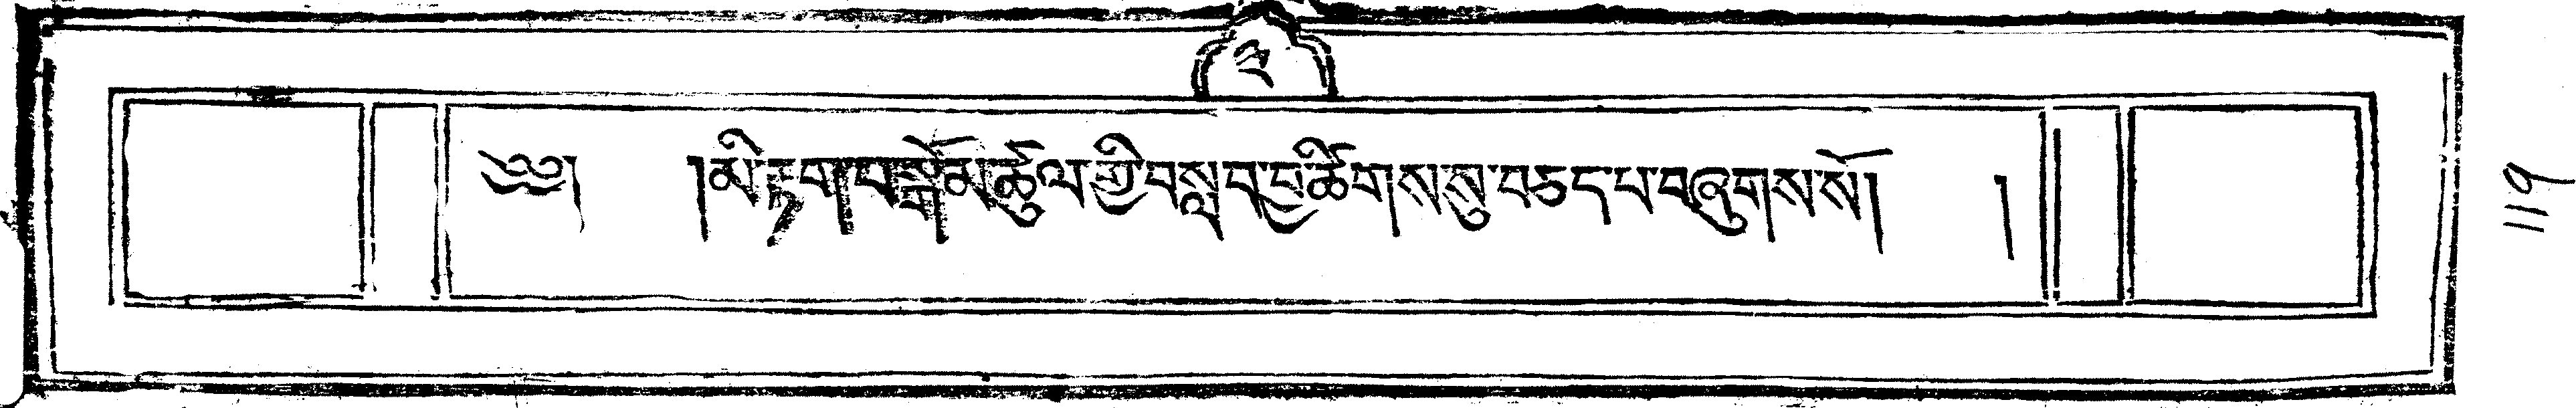༄༅། །མི་རྟག་པ་སྒོམ་ཚུལ་གྱི་བསླབ་བྱ་ཚིགས་སུ་བཅད་པ་བཞུགས་སོ།།